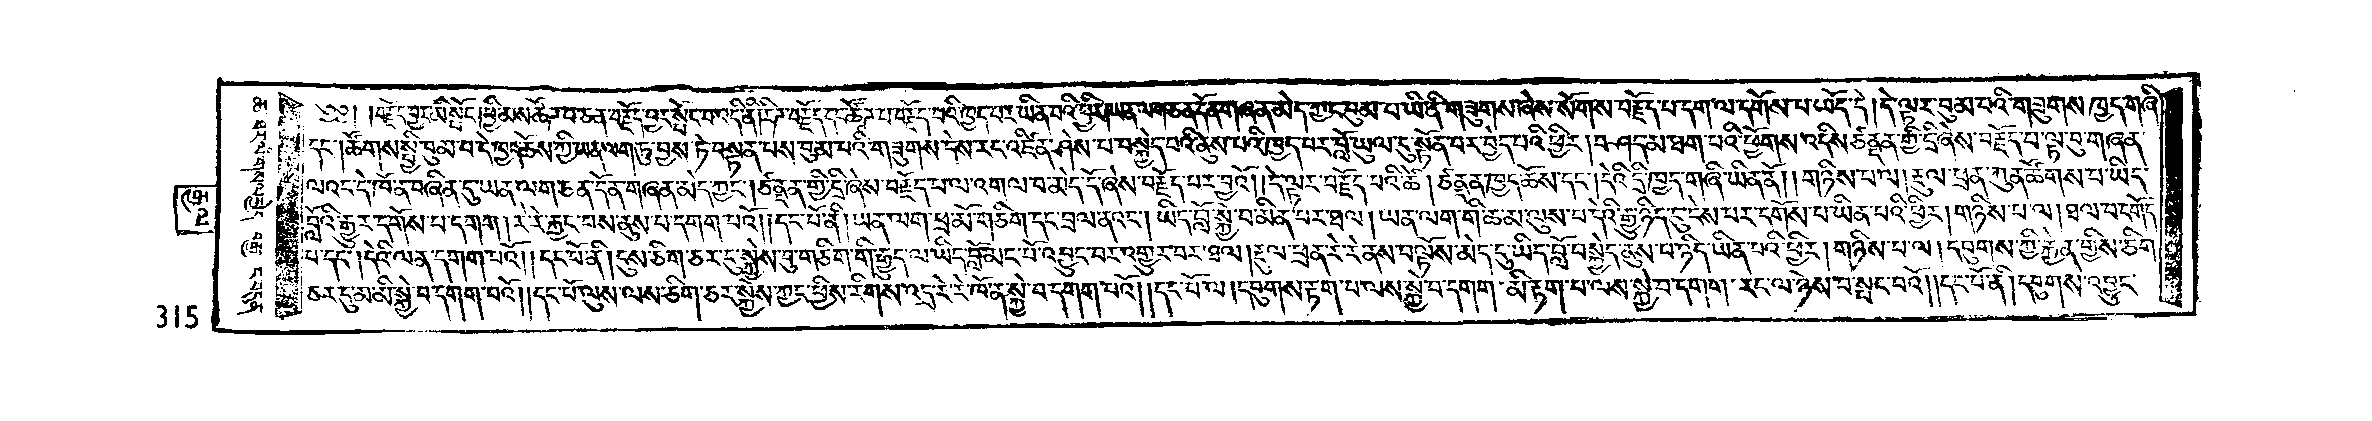༄༅། །བརྗོད་བྱར་མི་སྤོང་། ཕྱི་མས་ཚོཌ་པ་ཅན་བརྗོད་བྱར་སྤོང་བ་འདི་ནི། རིཌ་བརྗོད་དང་ཚོཌ་པ་བརྗོད་པའི་ཁྱད་པར་ཡིན་པའི་ཕྱིར། ཡན་ལག་ཅན་དོན་གཞན་མེད་ཀྱང་བུམ་པ་ཡི་ནི་གཟུགས་ཞེས་སོགས་བརྗོད་པ་དག་ལ་དགོས་པ་ཡོད་དེ། དེ་ལྟར་བུམ་པའི་གཟུགས་ཁྱད་གཞི་
དང་། ཚོགས་སྤྱི་བུམ་པ་དེ་ཁྱད་ཆོས་ཀྱི་ཡན་ལག་ཏུ་བྱས་ཏེ་བསྟན་པས་བུམ་པའི་གཟུགས་དེས་རང་འཛིན་ཤེས་པ་བསྐྱེད་པའི་ནུས་པའི་ཁྱད་པར་བློ་ཡུལ་དུ་སྟོན་པར་བྱེད་པའི་ཕྱིར། བཤད་མ་ཐག་པའི་ཕྱོགས་འདིས་ཙནྡན་གྱི་དྲི་ཞེས་བརྗོད་པ་ལྟ་བུ་གཞན་
ལའང་དེ་ཁོ་ན་བཞིན་དུ་ཡན་ལག་ཅན་དོན་གཞན་མེད་ཀྱང་། ཙནྡན་གྱི་དྲི་ཞེས་བརྗོད་པ་ལ་འགལ་བ་མེད་དོ་ཞེས་བརྗོད་པར་བྱའོ། །དེ་ལྟར་བརྗོད་པའི་ཚེ། ཙནྡན་ཁྱད་ཆོས་དང་། དེའི་དྲི་ཁྱད་གཞི་ཡིན་ནོ། །གཉིས་པ་ལ། རྡུལ་ཕྲན་ཀུན་ཚོགས་པ་ཡིད་
བློའི་རྒྱུར་དགོས་པ་དགག །རེ་རེ་རྐྱང་པས་ནུས་པ་དགག་པའོ། །དང་པོ་ནི། ཡན་ལག་ཕྲ་མོ་གཅིག་དང་བྲལ་ནའང་། ཡིད་བློ་སྐྱེ་བ་མིན་པར་ཐལ། ཡན་ལག་གི་ཆ་མ་ལུས་པ་དེའི་རྒྱུ་ཉིད་དུ་ངེས་པར་དགོས་པ་ཡིན་པའི་ཕྱིར། གཉིས་པ་ལ། ཐལ་བ་དགོད་
པ་དང་། དེའི་ལན་དགག་པའོ། །དང་པོ་ནི། དུས་ཅིག་ཅར་དུ་སྐྱེས་བུ་གཅིག་གི་རྒྱུད་ལ་ཡིད་བློ་མང་པོ་འབྱུང་བར་འགྱུར་བར་ཐལ། རྡུལ་ཕྲན་རེ་རེ་ནས་བལྟོས་མེད་དུ་ཡིད་བློ་བསྐྱེད་ནུས་པ་ཉིད་ཡིན་པའི་ཕྱིར། གཉིས་པ་ལ། དབུགས་ཀྱི་རྐྱེན་གྱིས་ཅིག་
ཅར་དུ་མ་མི་སྐྱེ་བ་དགག་པའོ། །དང་པོ་ལུས་ལས་ཅིག་ཅར་སྐྱེས་ཀྱང་ཕྱིས་རིགས་འདྲ་རེ་རེ་ཁོ་ན་སྐྱེ་བ་དགག་པའོ། །དང་པོ་ལ། དབུགས་རྟག་པ་ལས་སྐྱེ་བ་དགག་མི་རྟག་པ་ལས་སྐྱེ་བ་དགག་རང་ལ་ཉེས་པ་སྤང་བའོ། །དང་པོ་ནི། དབུགས་འབྱུང་